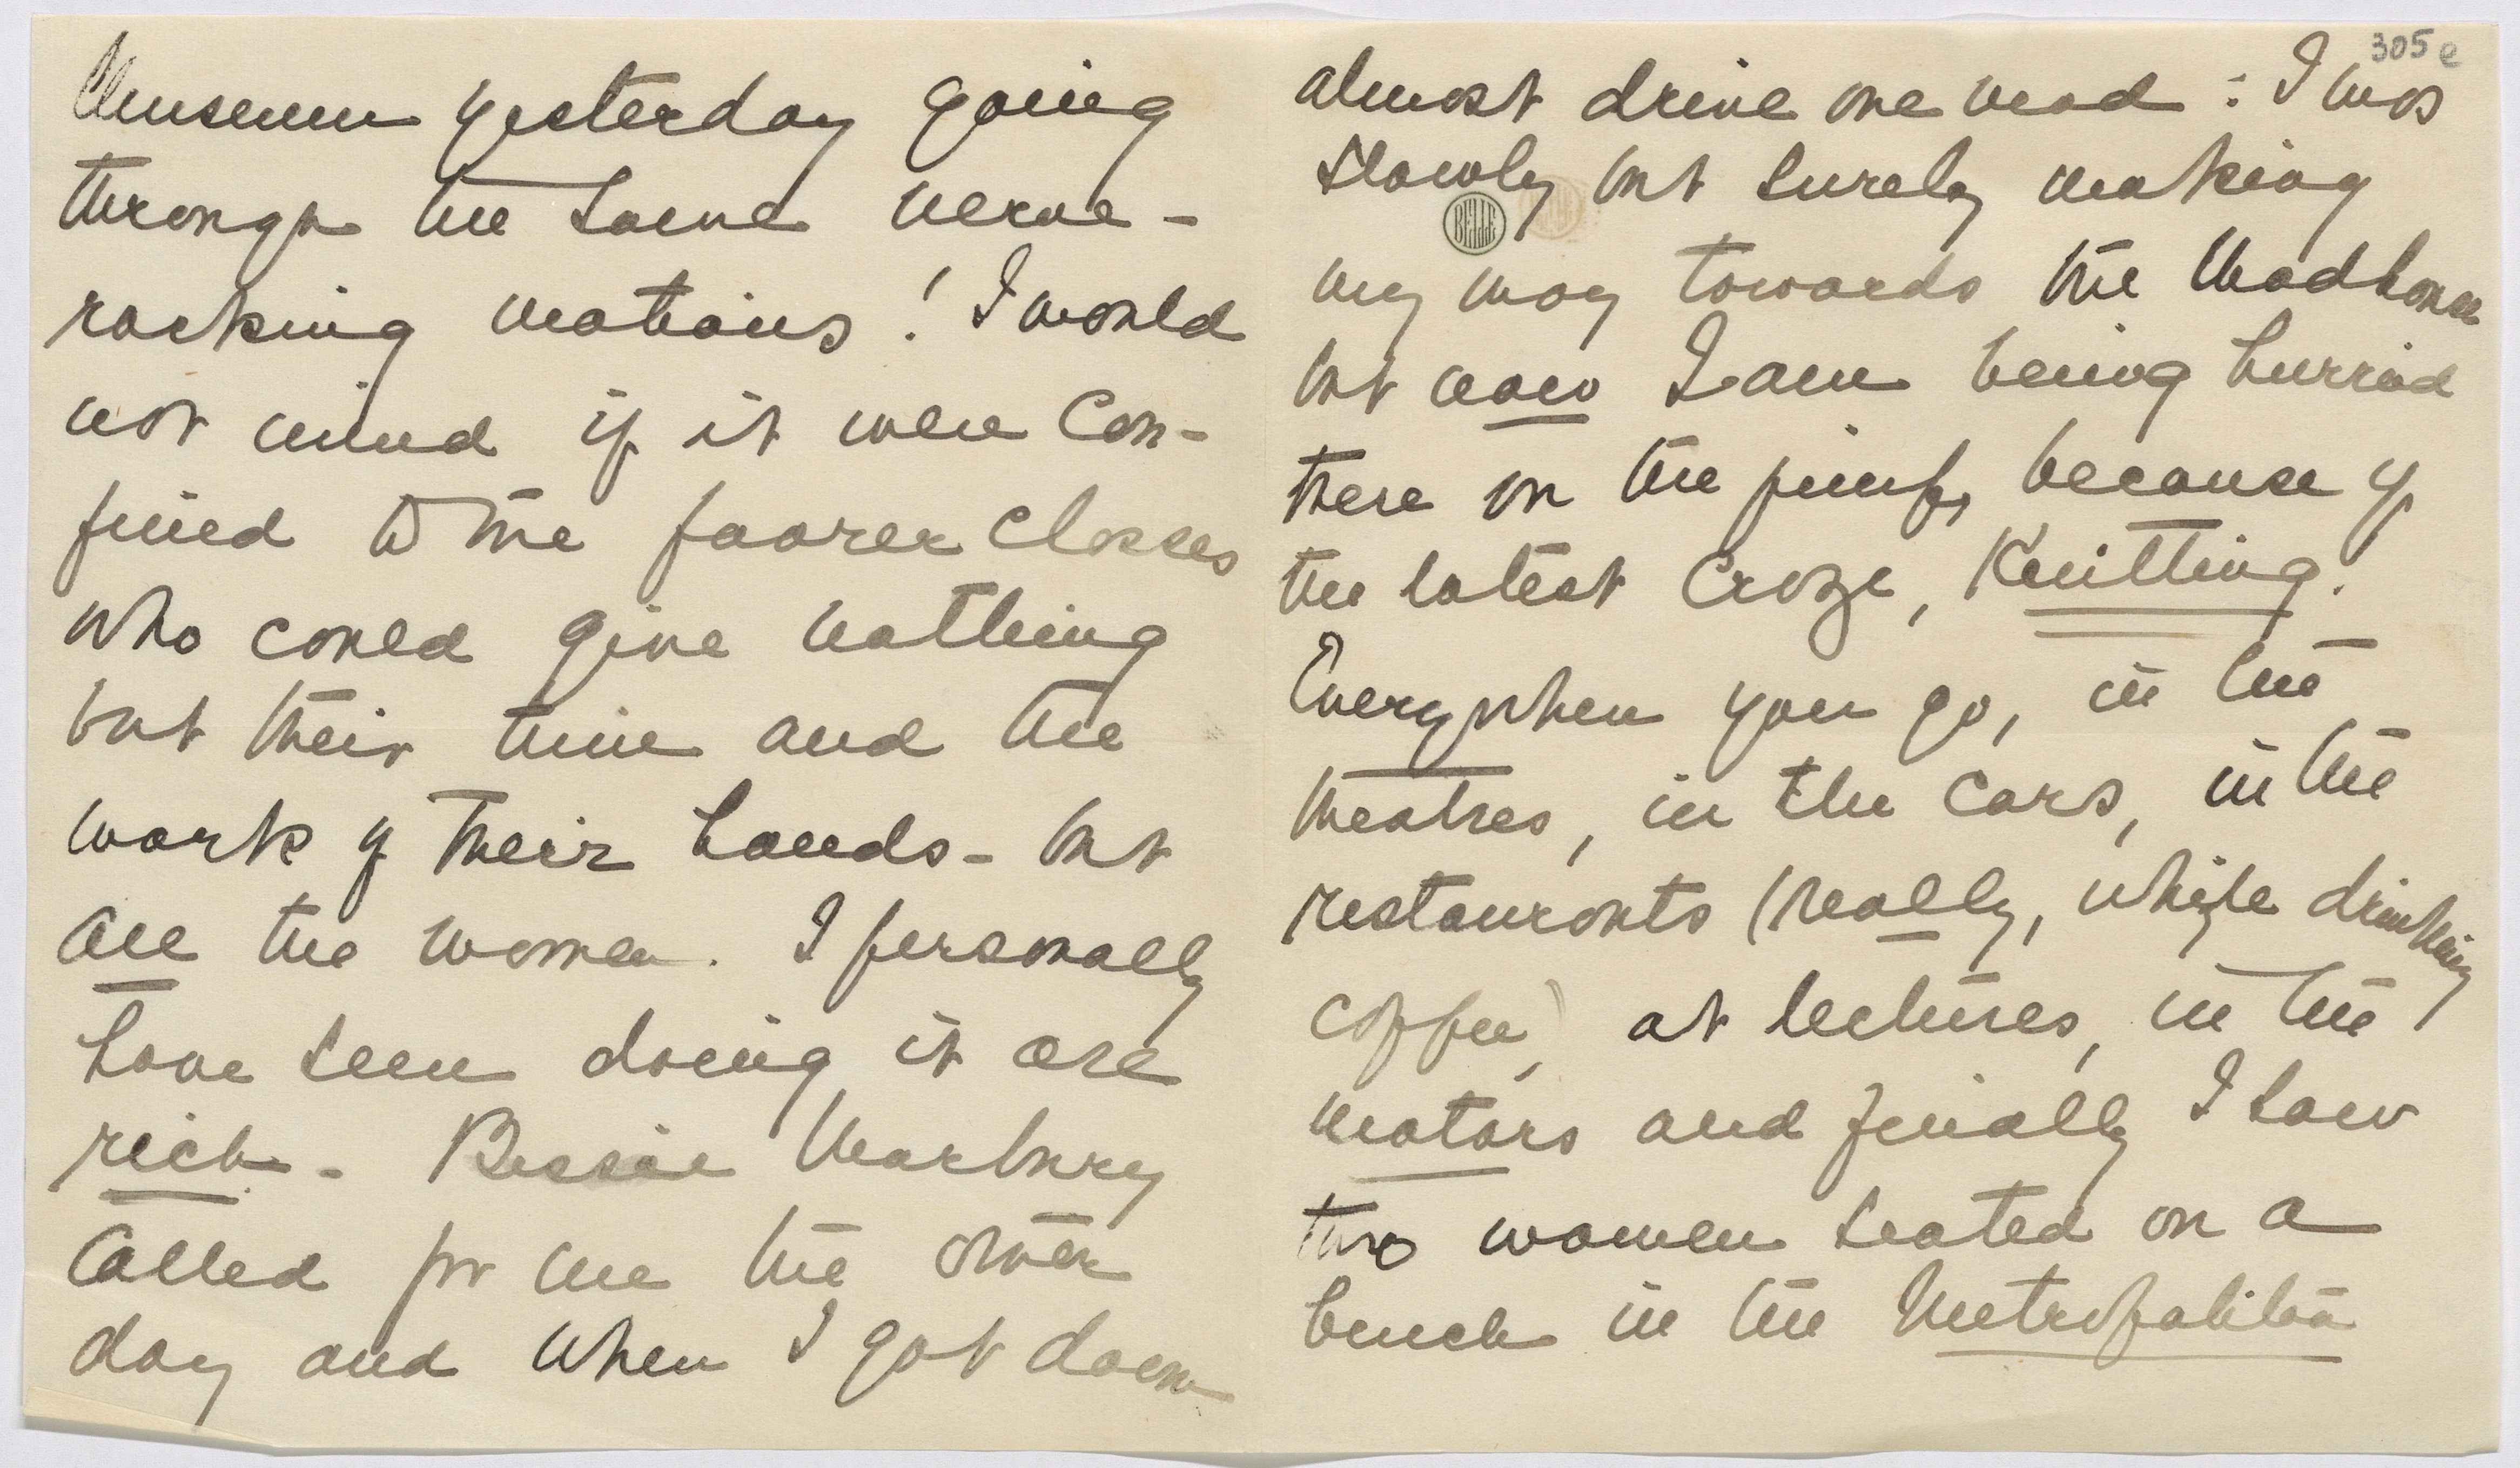almost drive me mad: I was slowly but surely making my way towards the Madhouse but now I am being hurried there on the jump, because of the latest craze, [double underlined: knitting.] Everywhere you go, in the theatres, in the cars, in the restaurants (really, while drinking coffee) at lectures, in the motors and finally I saw two women seated on a bench in the Metropolitan
Museum yesterday going through the same nerve-racking motions! I would not mind if it were confined to the poorer classes who could give nothing but their time and the work of their hands – but all the women I personally have seen doing it are rich – Bessie Marbury called for me the other day and when I got down